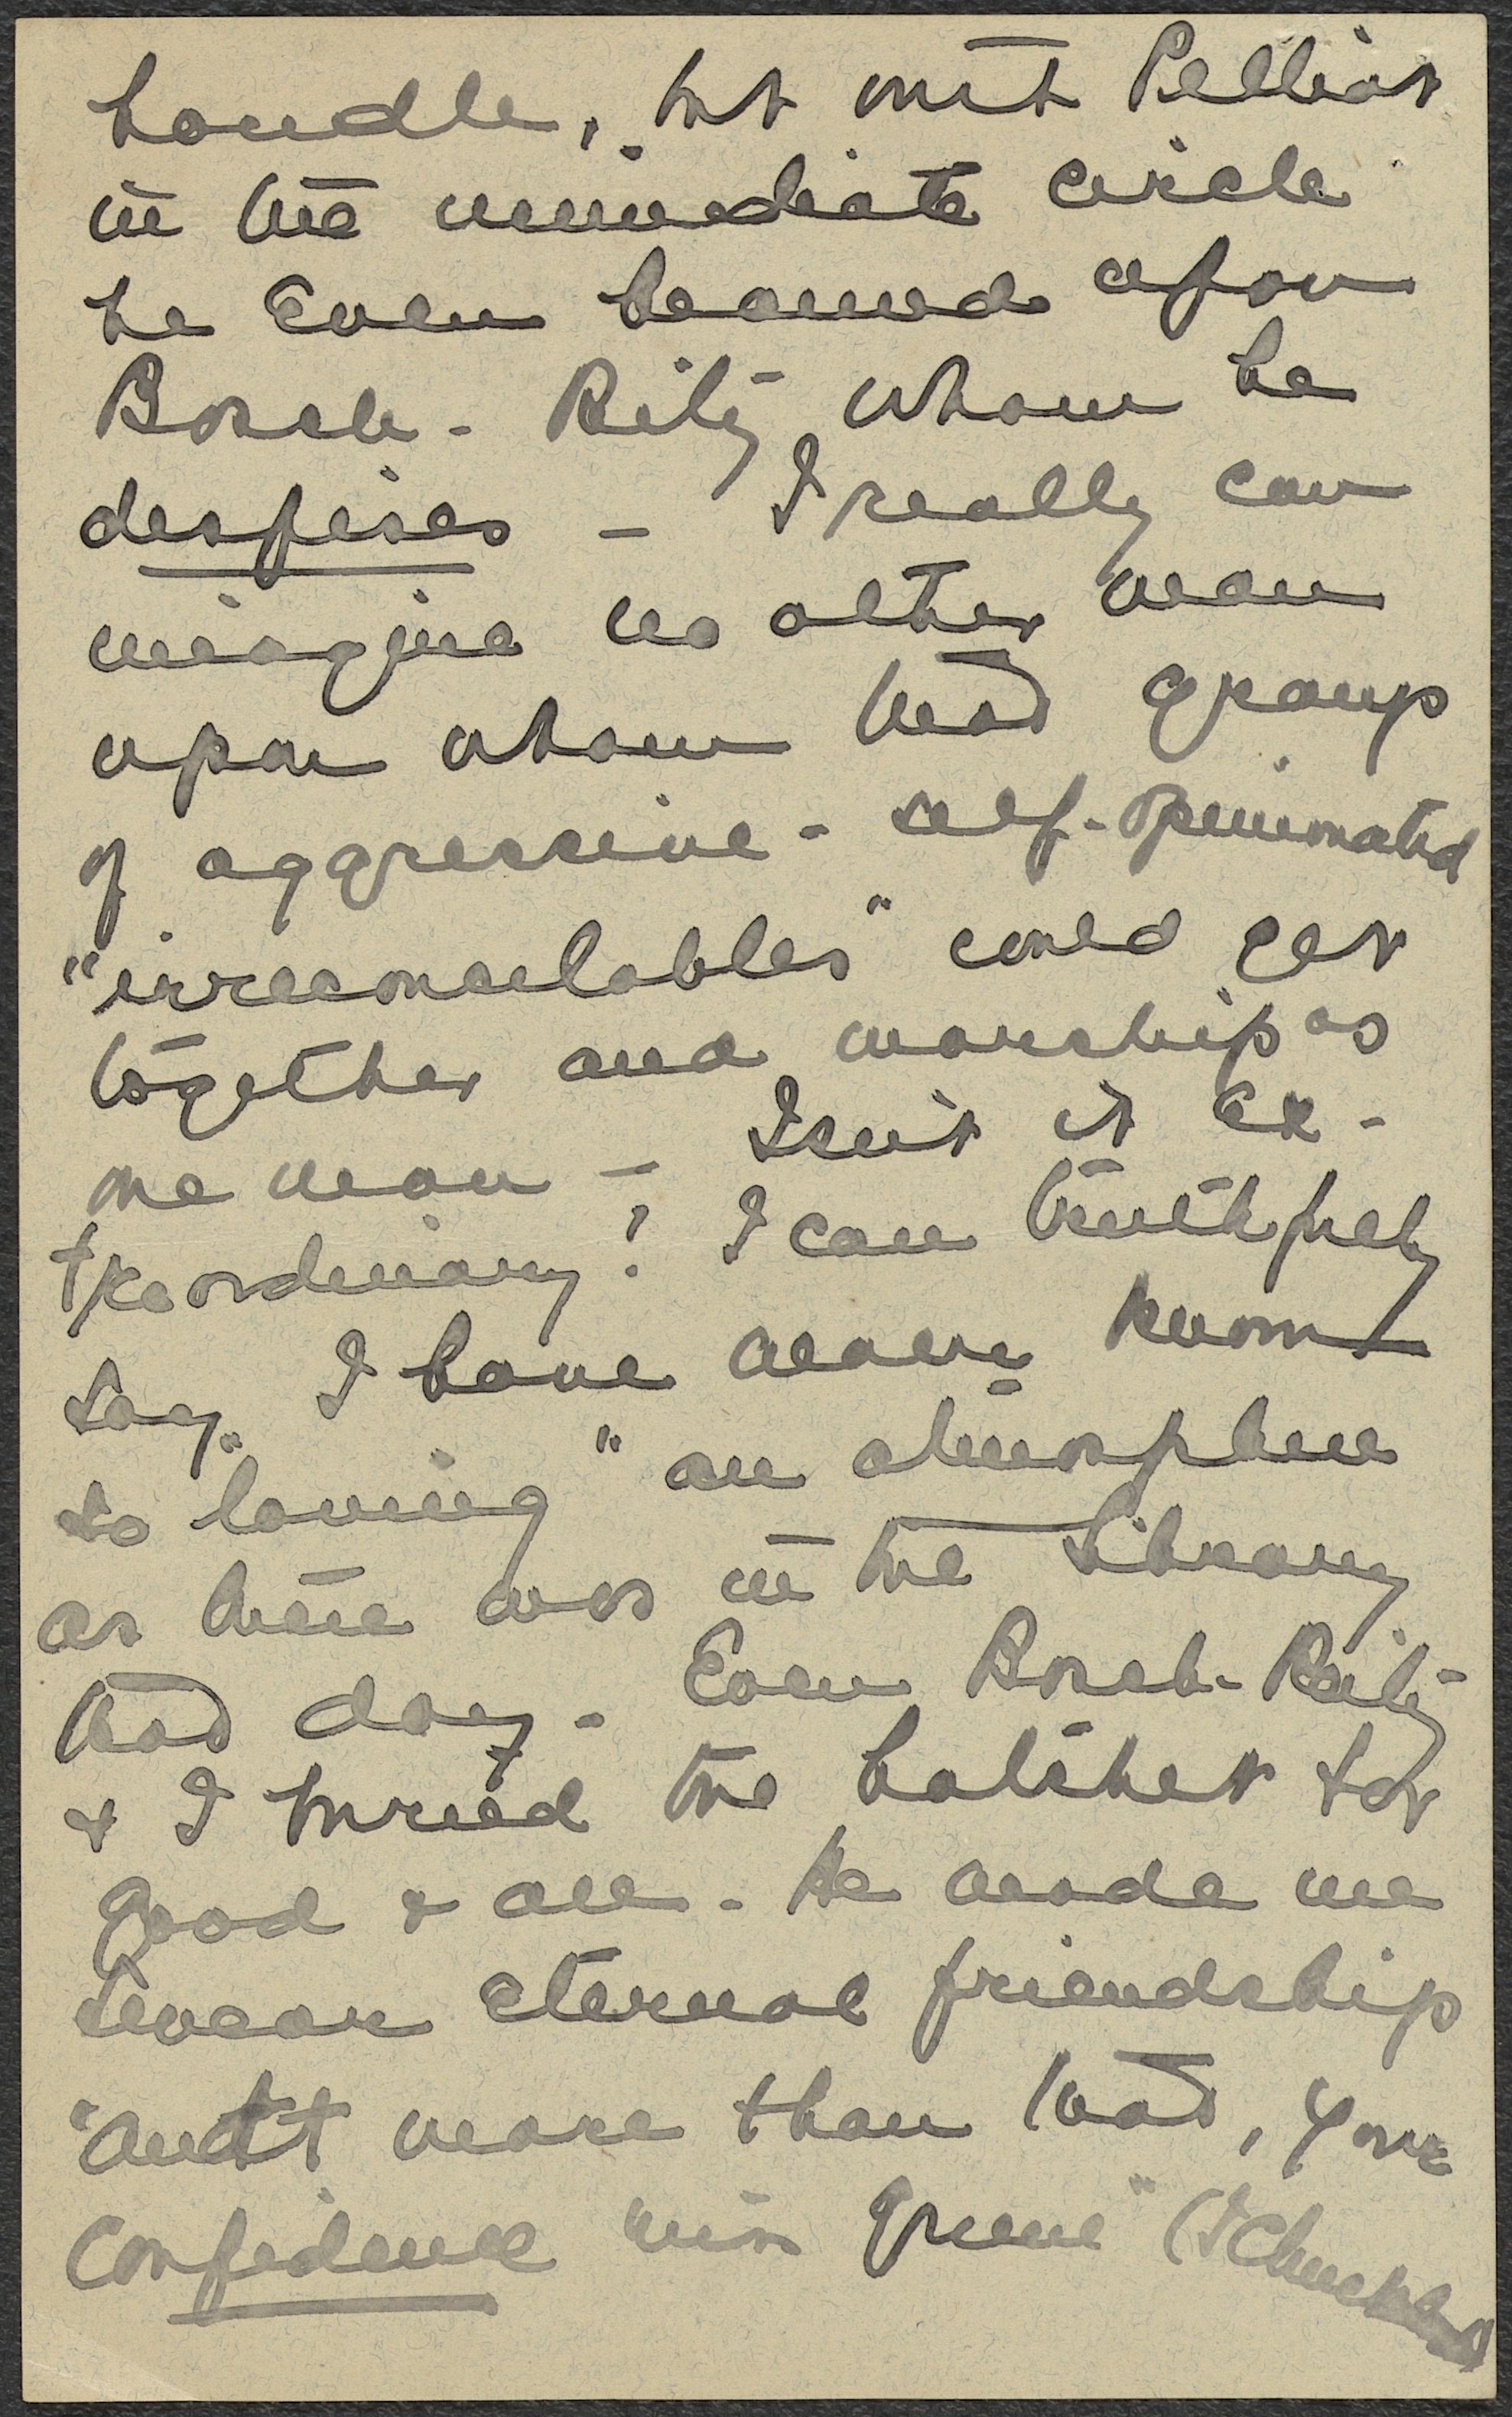handle, but with Pelliot in the immediate circle he even beamed upon Bosch-Ritz whom he despises – I really can imagine no other man upon whom that group of aggressive – self-opinionated “irreconcilables” could get together and worship as one man – Isn’t is extraordinary? I can truthfully say I have never known so “loving” an atmosphere as there was in the Library that day – Even Bosch-Reitz & I buried the hatchet for good & all – He made me swear eternal friendship and more than that, your confidence with Greene” (I chuckled)